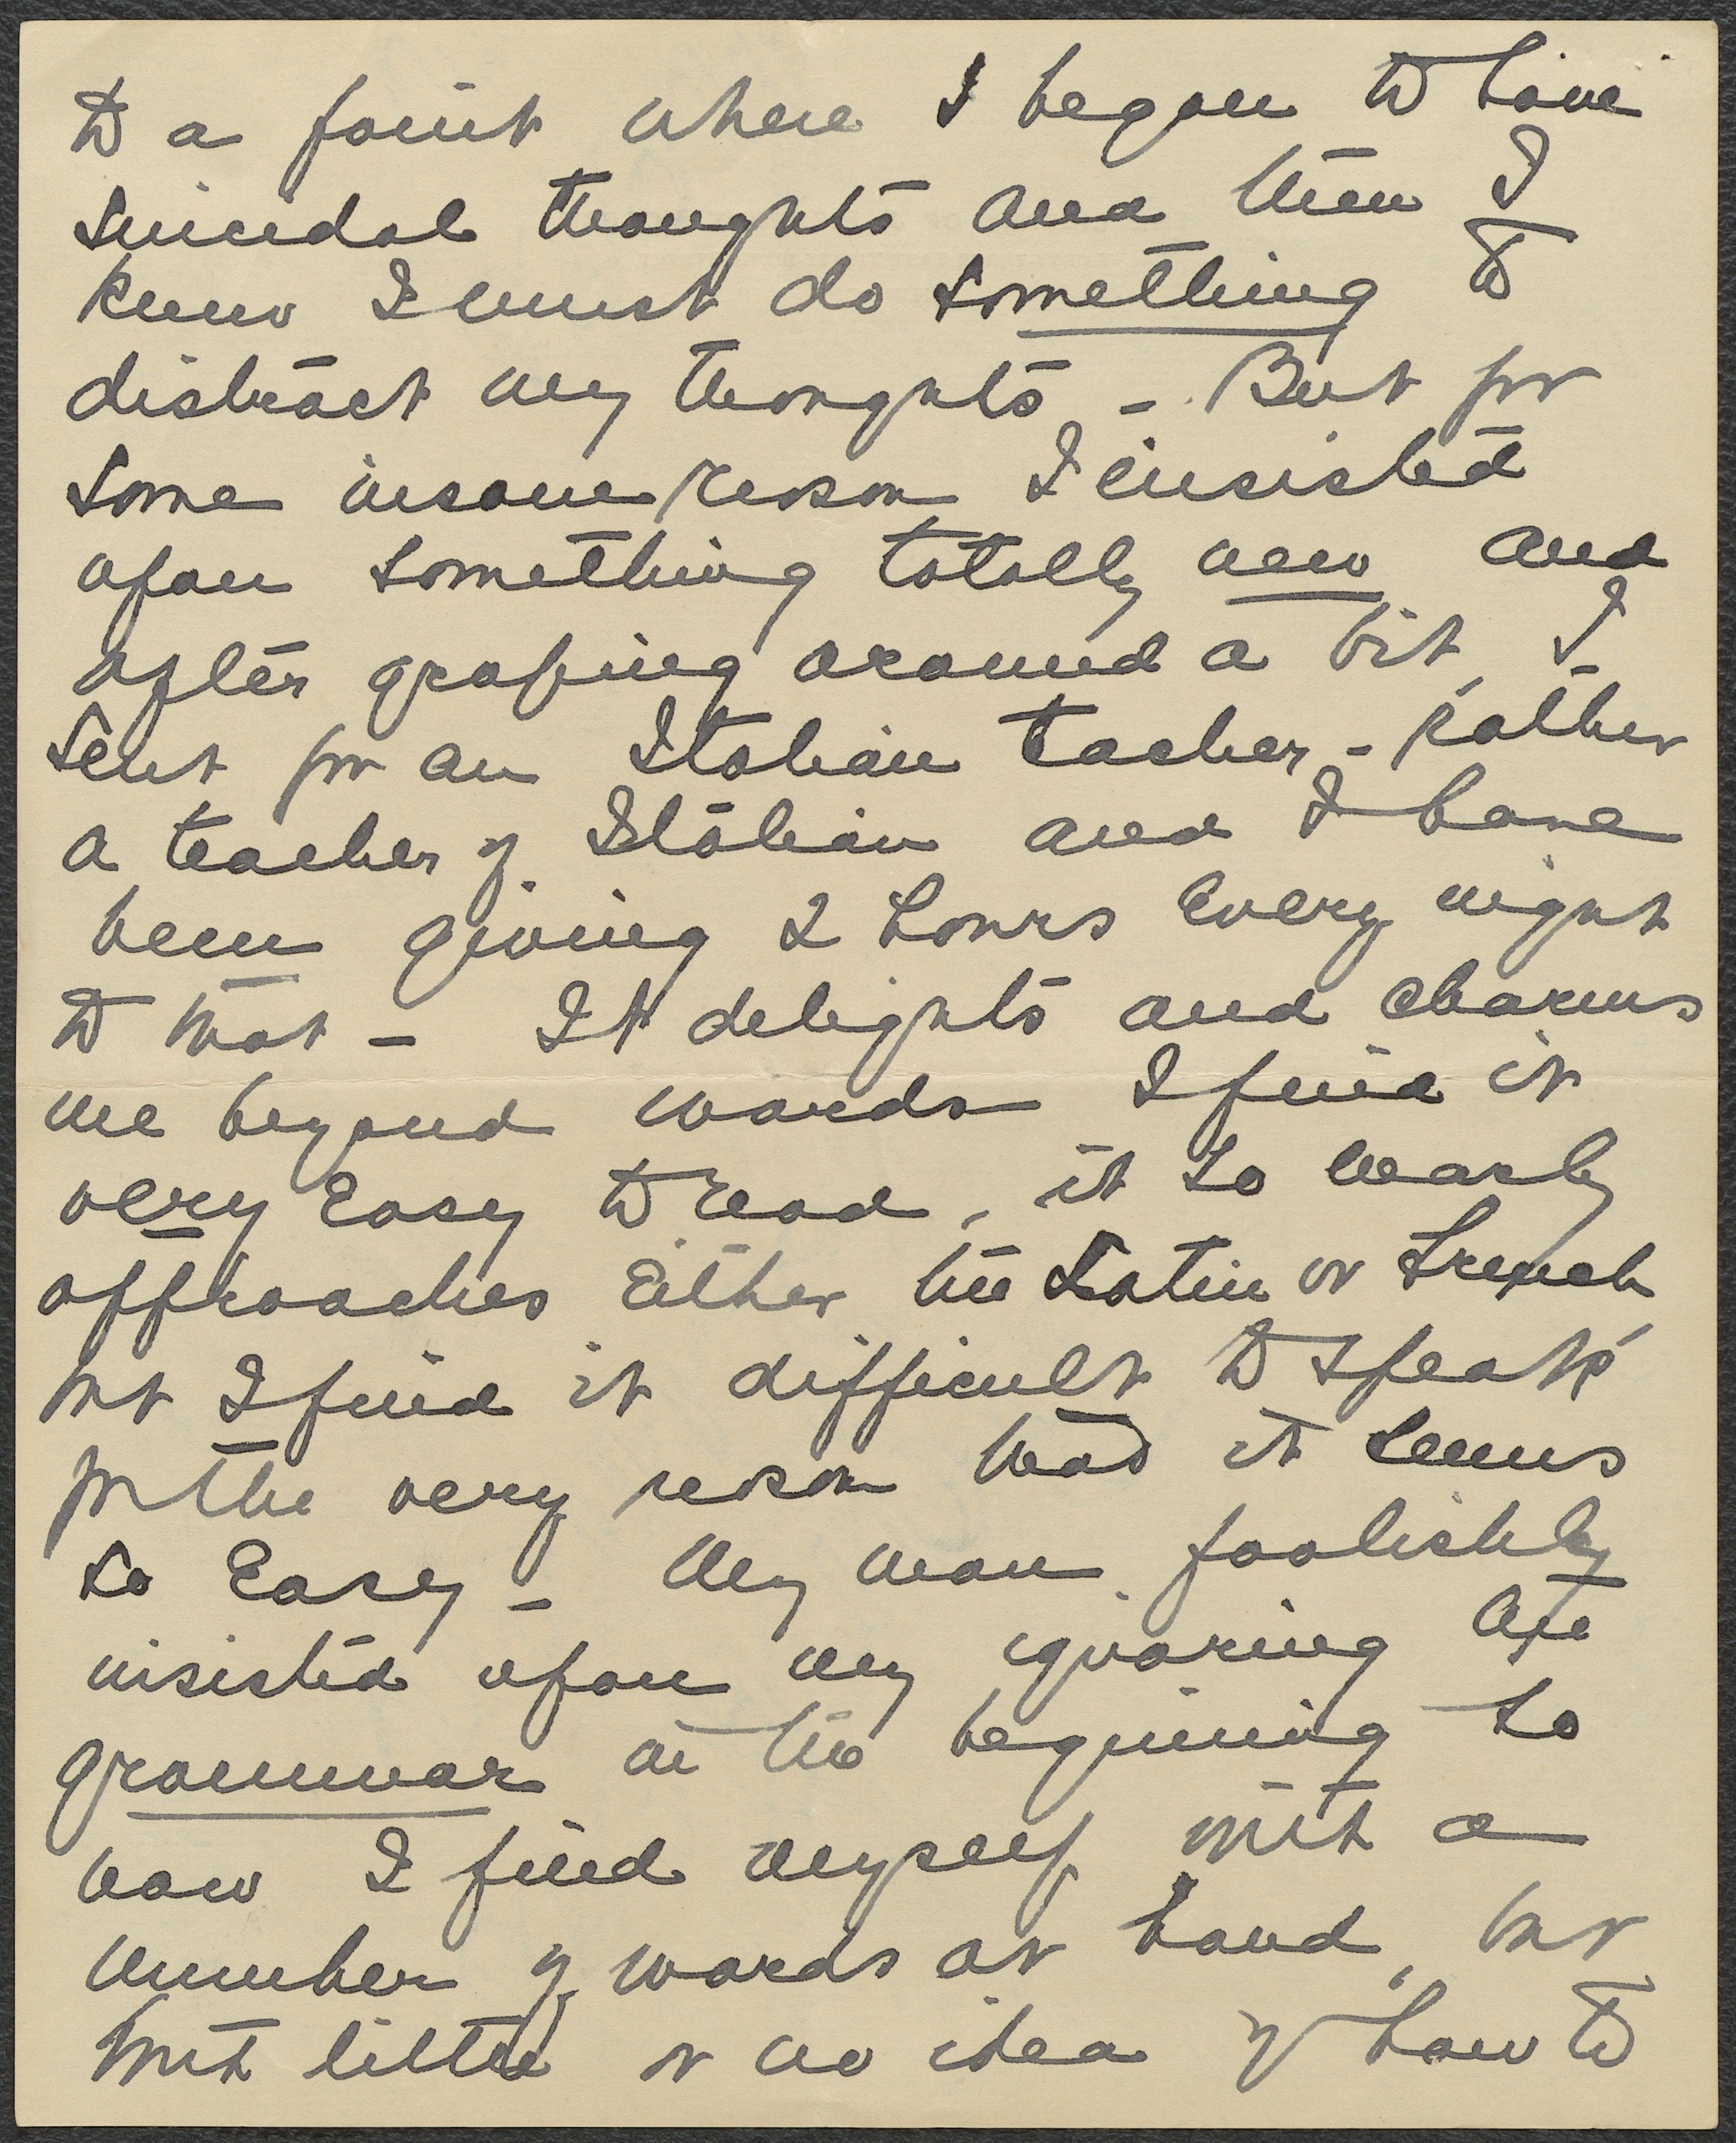to a point where I began to have suicidal thoughts and then I knew I must do something to distract my thoughts – But for some insane reason I insisted upon something totally new and after groping around a bit, I sent for an Italian teacher – rather a teacher of Italian and I have been giving 2 hours every night to that – It delights and charms me beyond words – I find it very easy to read, it so nearly approaches either the Latin or French, but I find it difficult to speak for the very reason that it seems so easy – My man foolishly insisted upon my ignoring the grammar in the beginning so now I find myself with a number of words at hand, but with little or no idea of how to